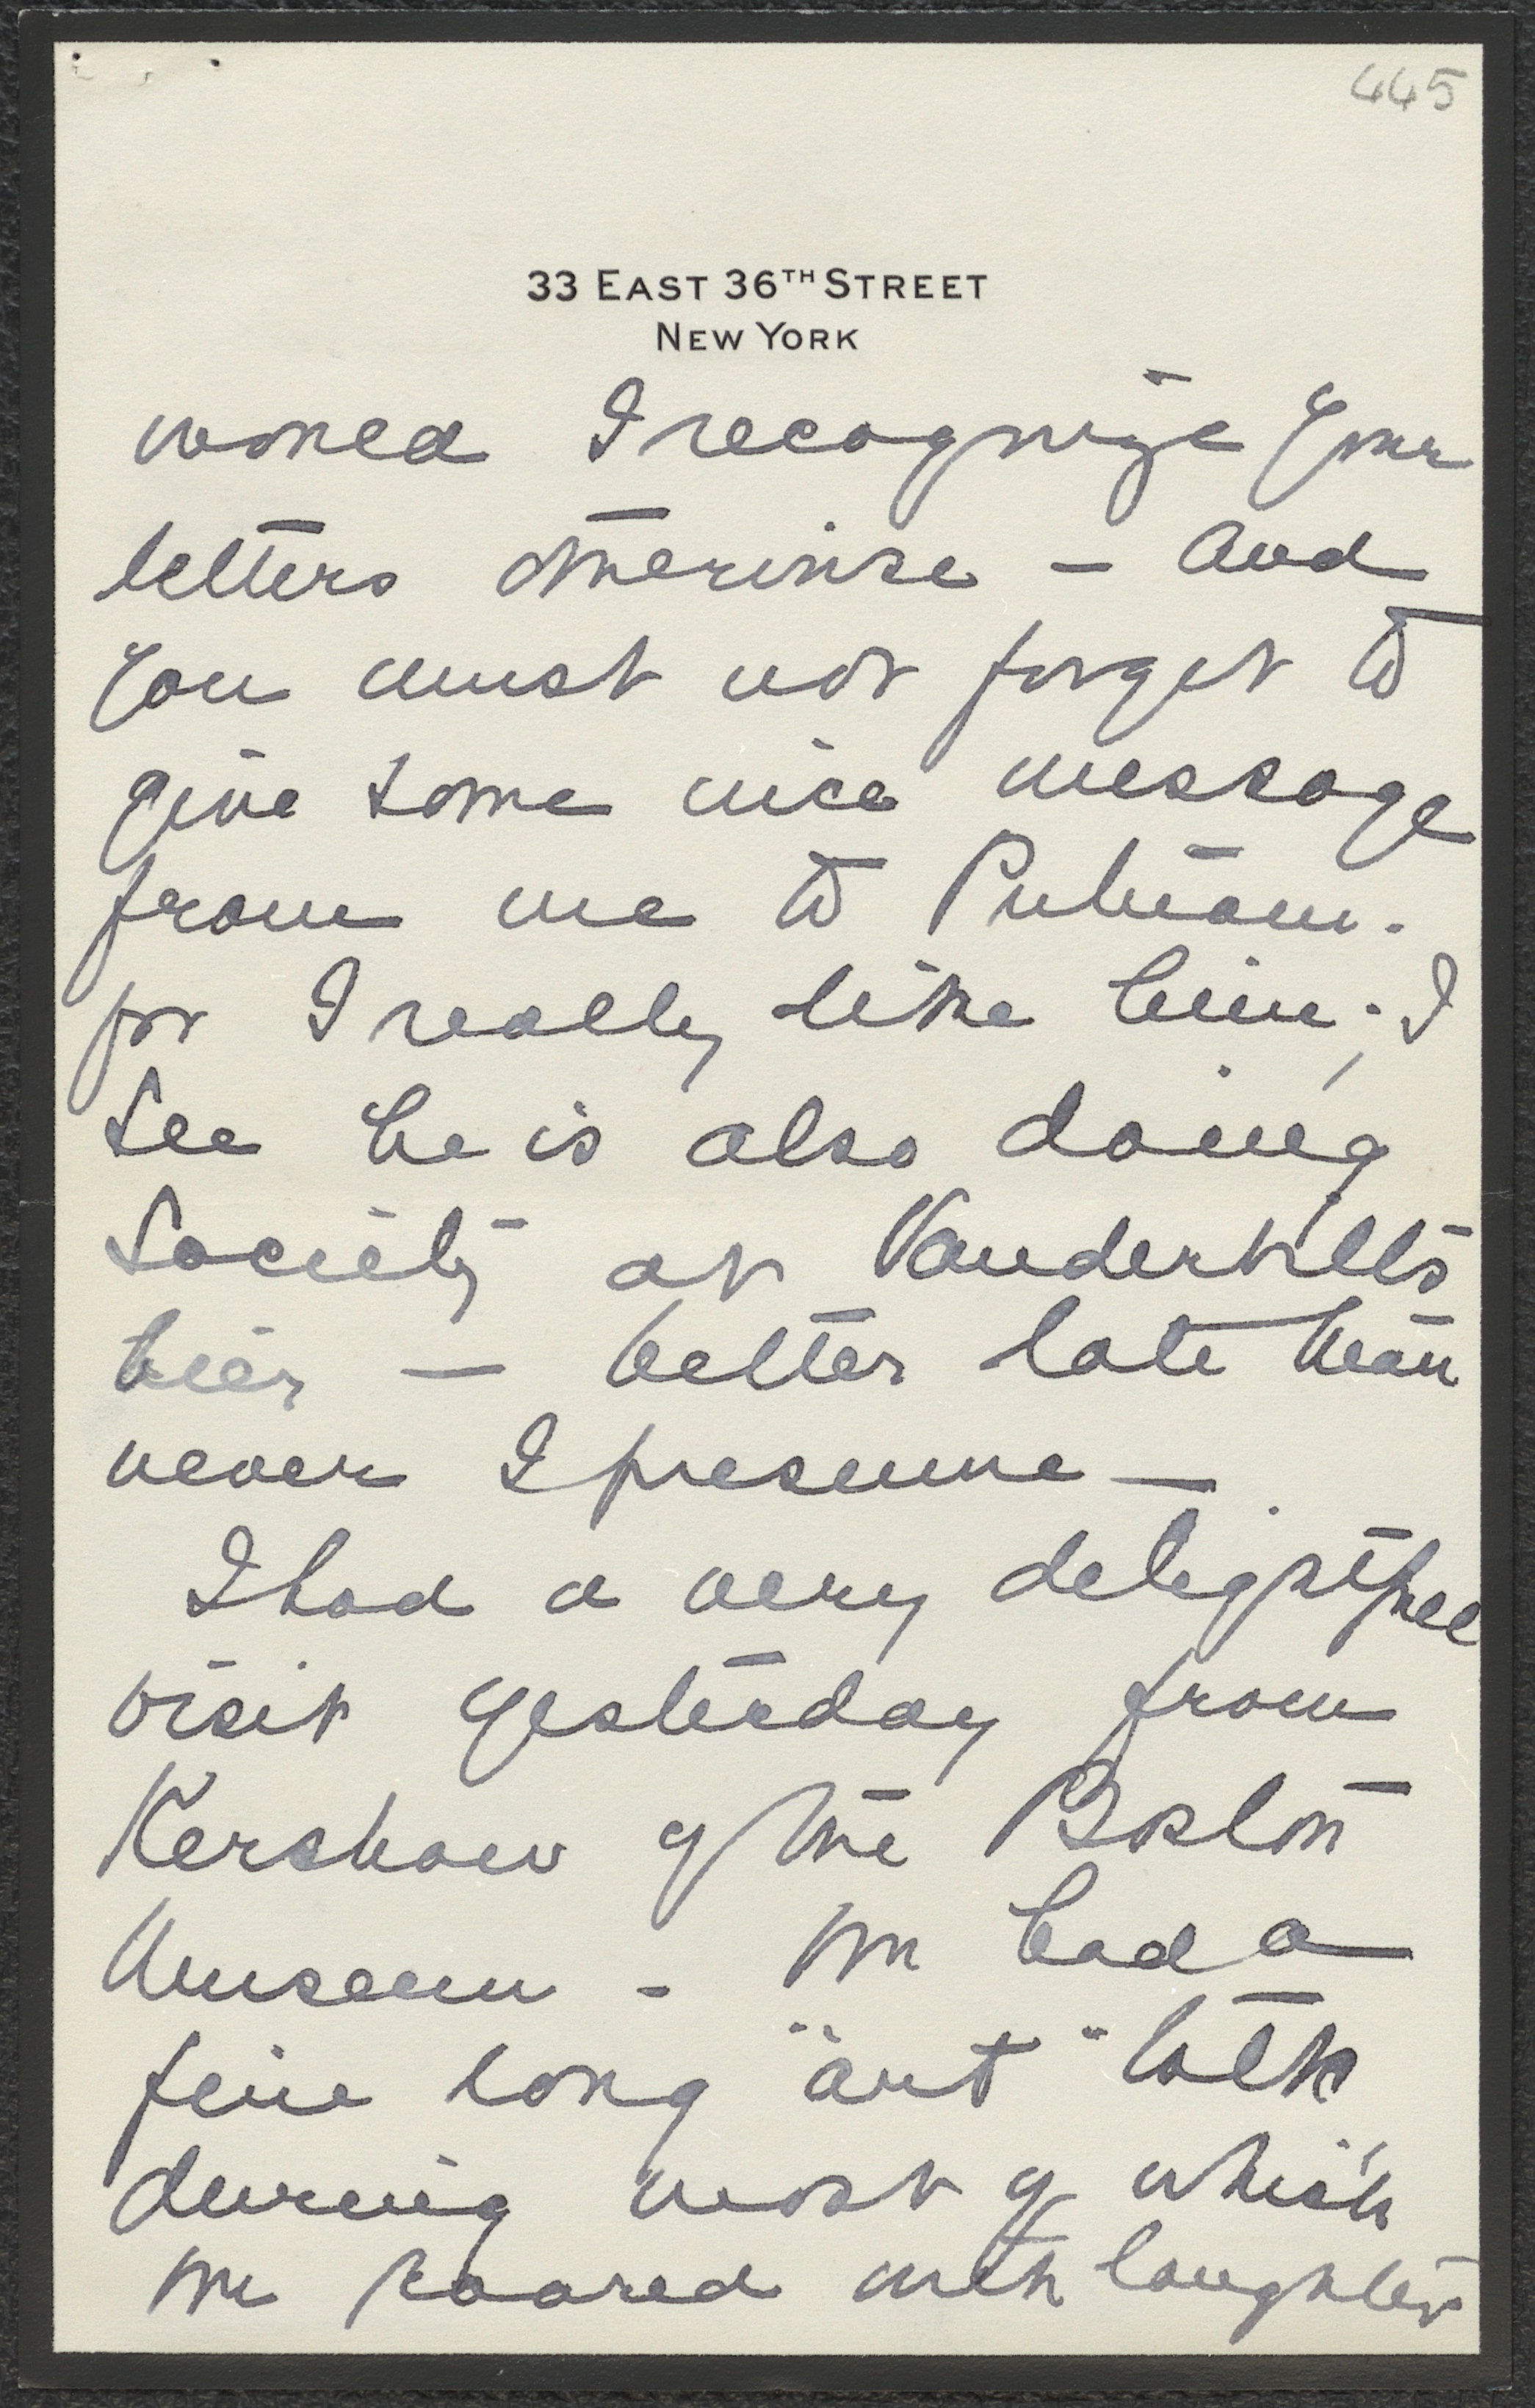would I recognize your letters otherwise – and you must not forget to give some nice message from me to Putnam, for I really like him. I see he is also doing society at Vanderbilt’s tier – better late than never I presume –
I had a very delightful visit yesterday from Kershaw of the Boston Museum – we had a fine long “art” talk during most of which we roared with laughter